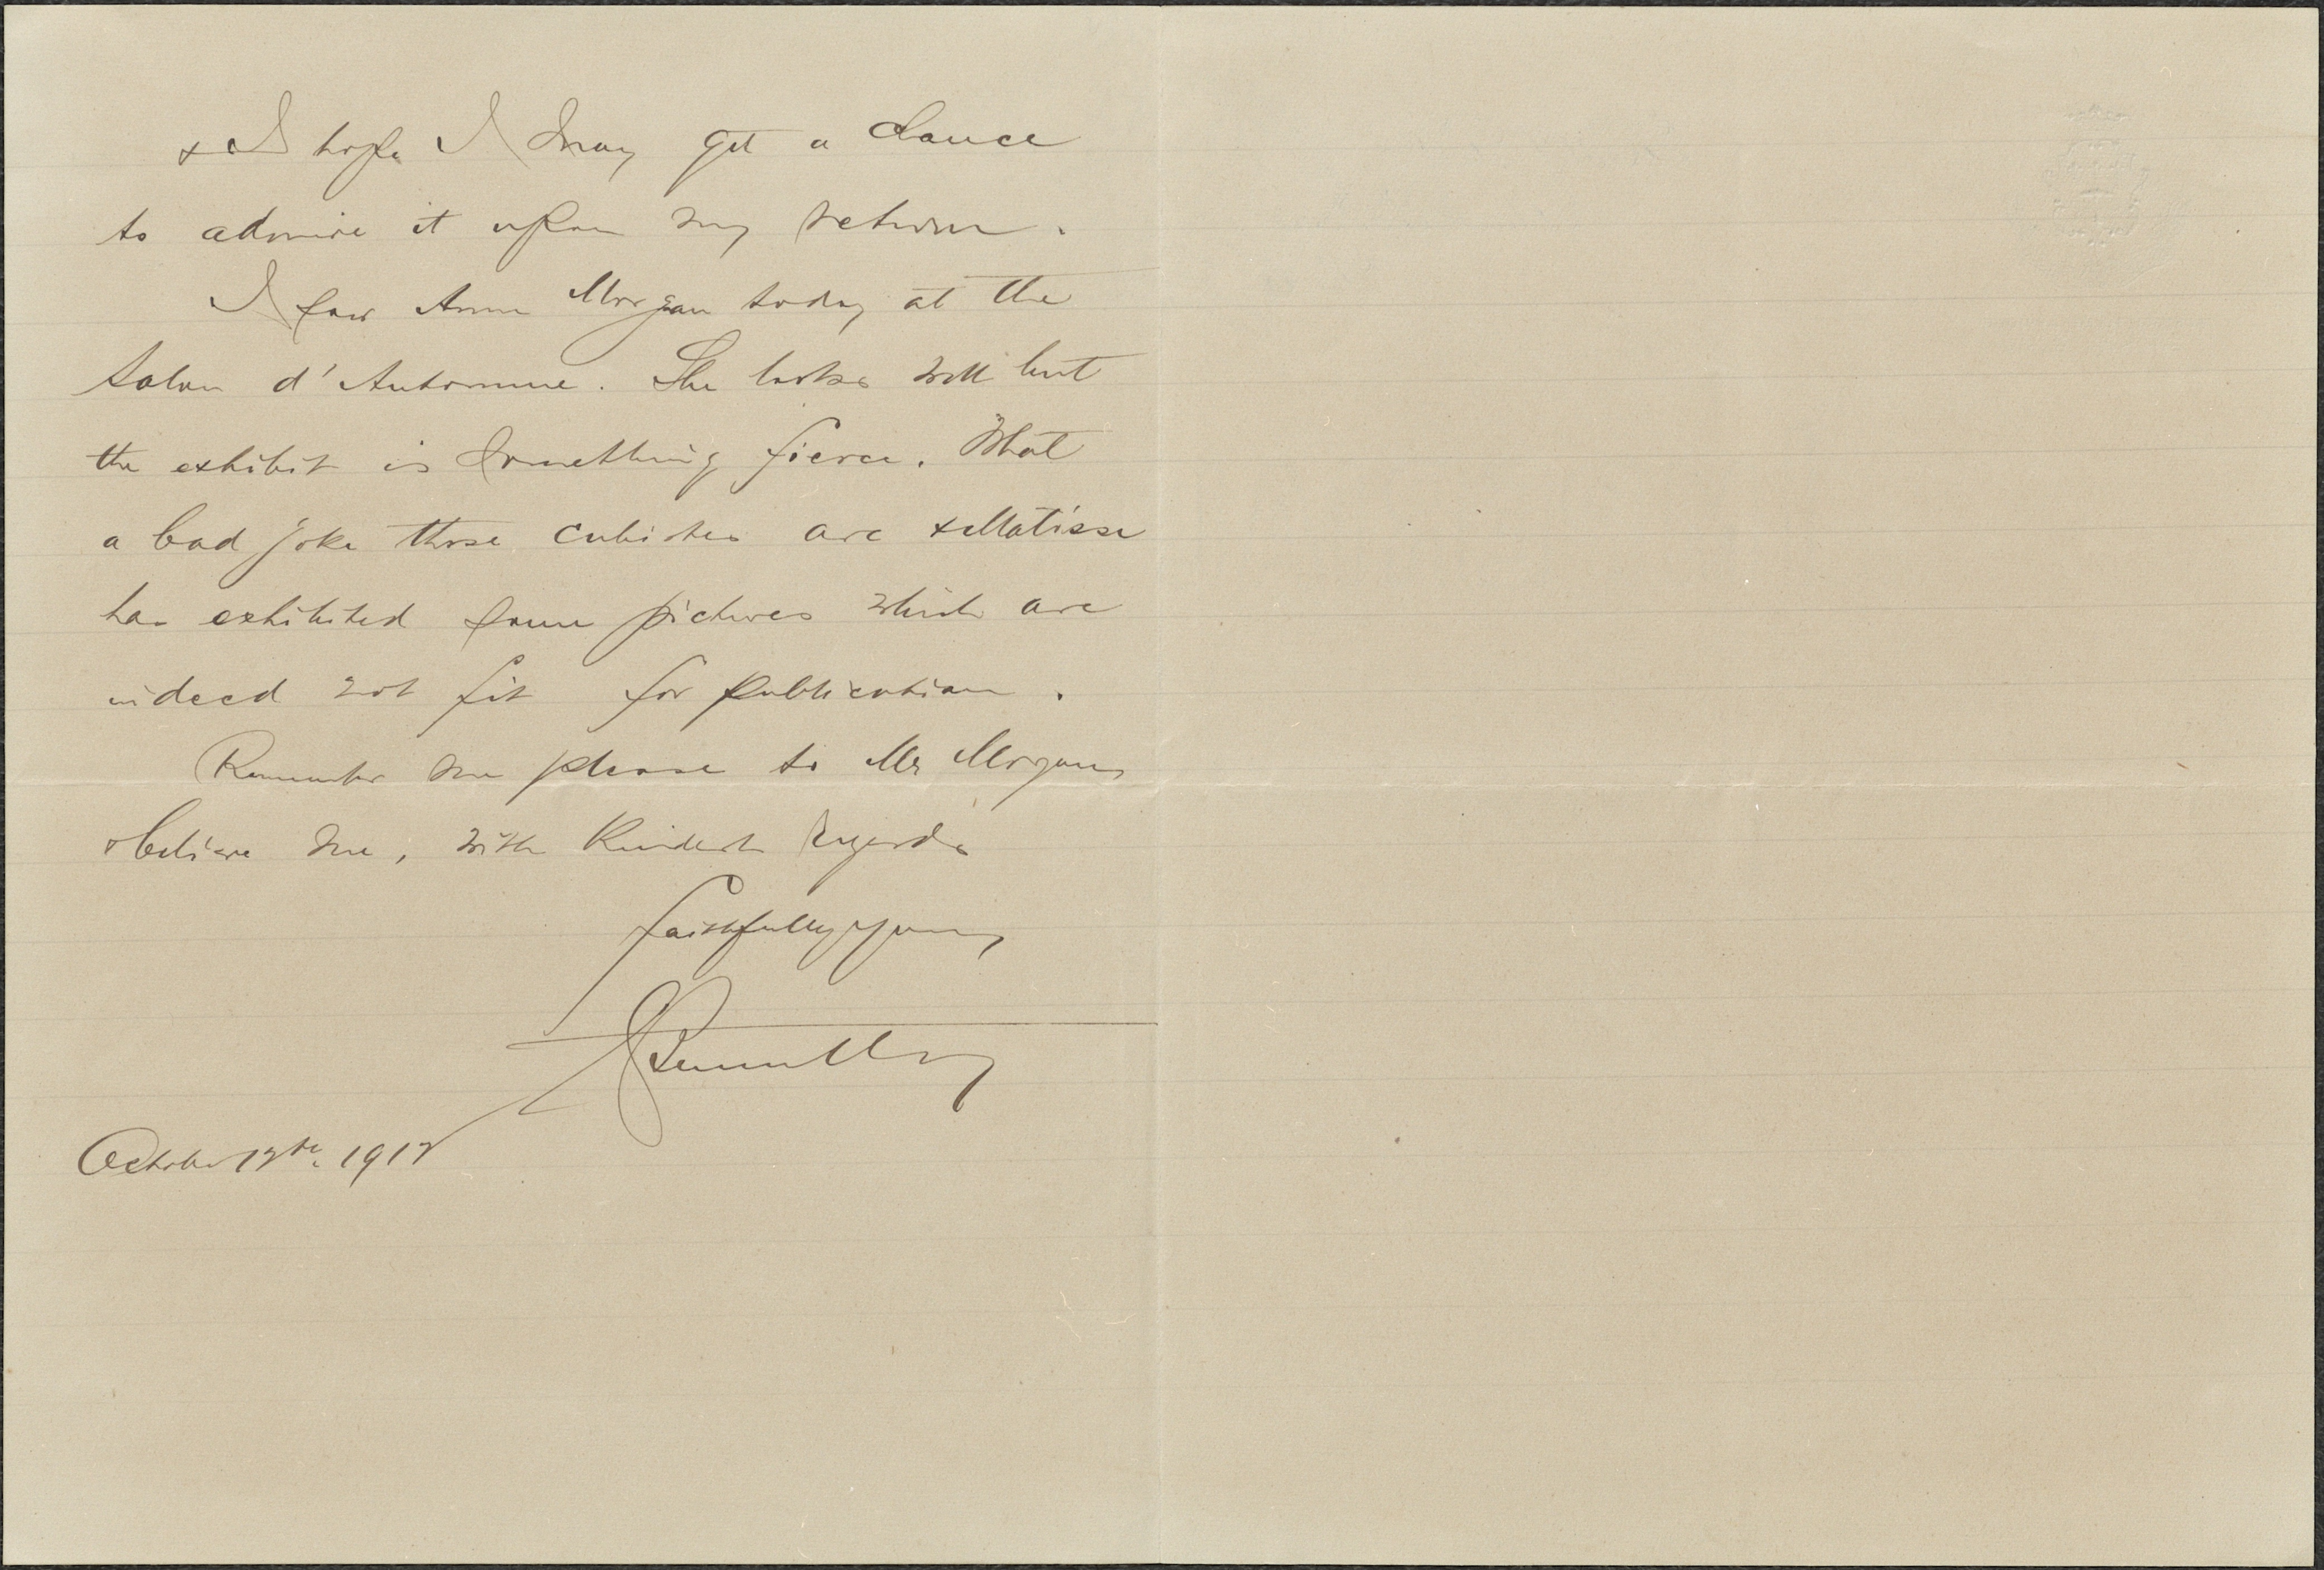& I hope I may get a chance to admire it upon my return.
I saw Anne Morgan today at the Salon d'Automne. She looks well but the exhibit is something fierce. What a bad joke those cubistes are & Matisse has exhibited some pictures which are indeed not fit for publication. Remember me please to Mr Morgan & believe me, with kindest regards
Faithfully yours
Blumenthal
October 12th, 1912